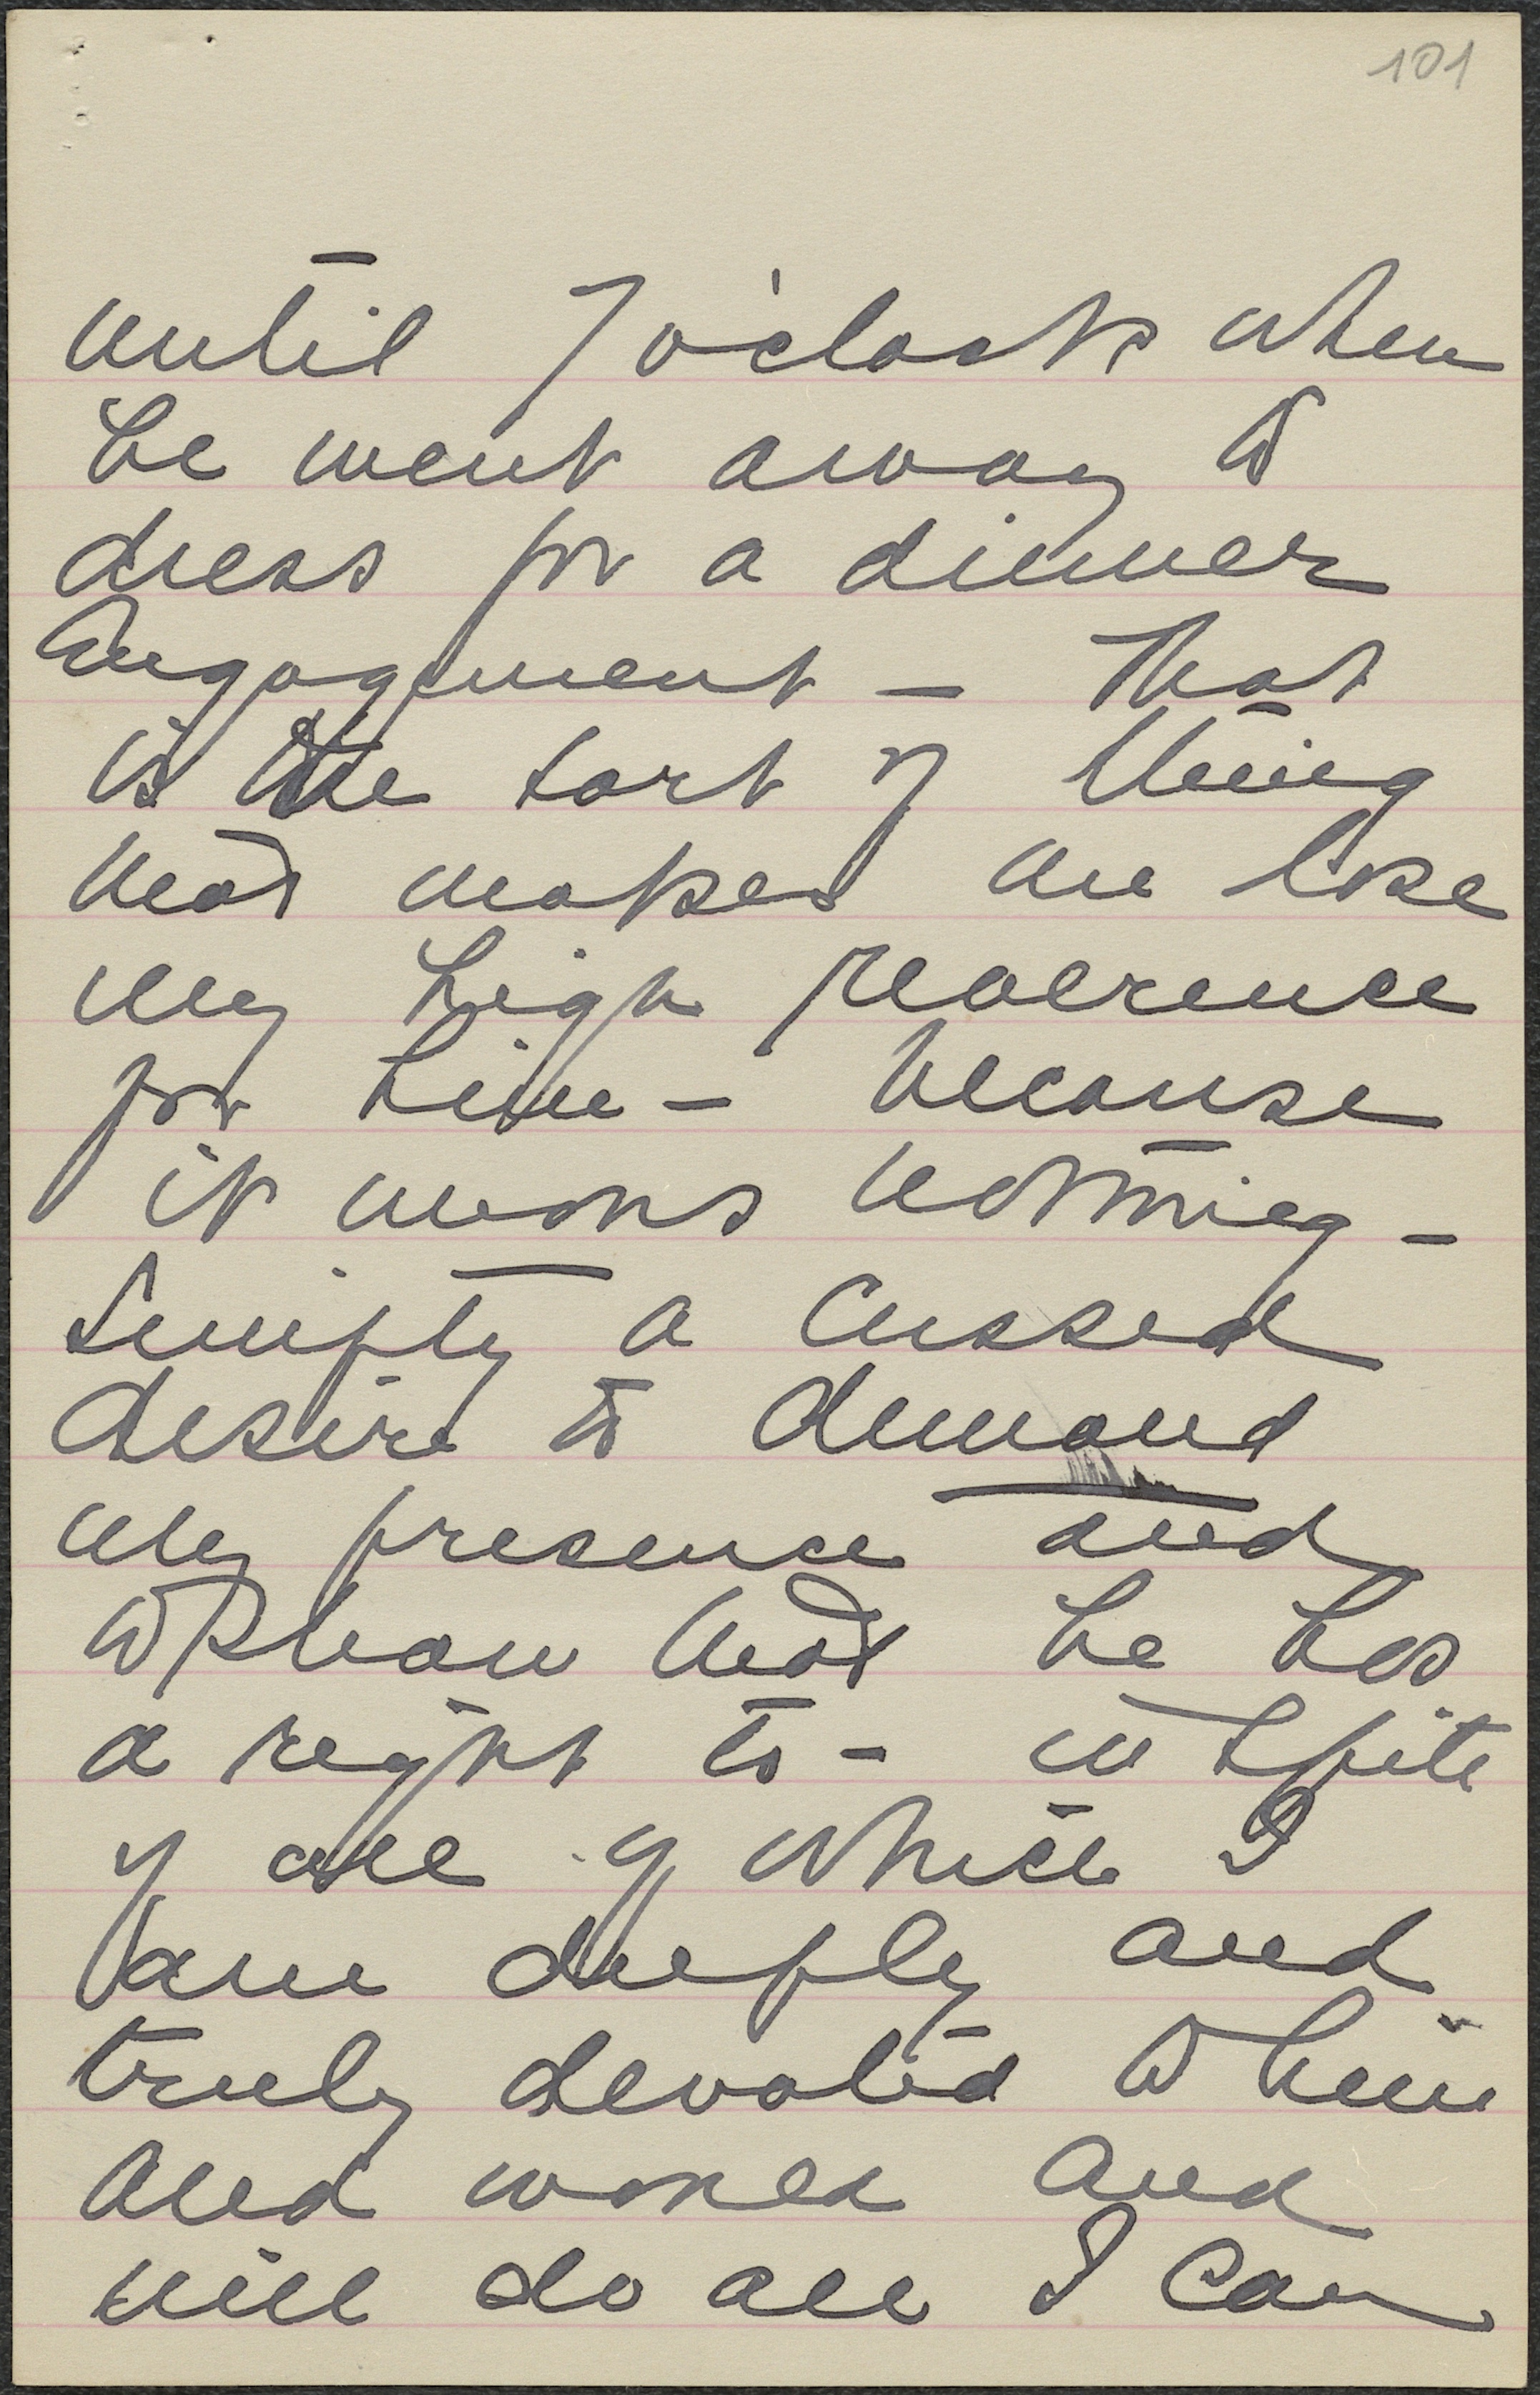until 7 o’clock when he went away to dress for a dinner engagement – that is the sort of thing that makes me lose my high reverence for him – because it means nothing – simply a cussed desire to demand my presence and to show that he has a right to – in spite of all of which I am deeply and truly devoted to him and would and will do all I can